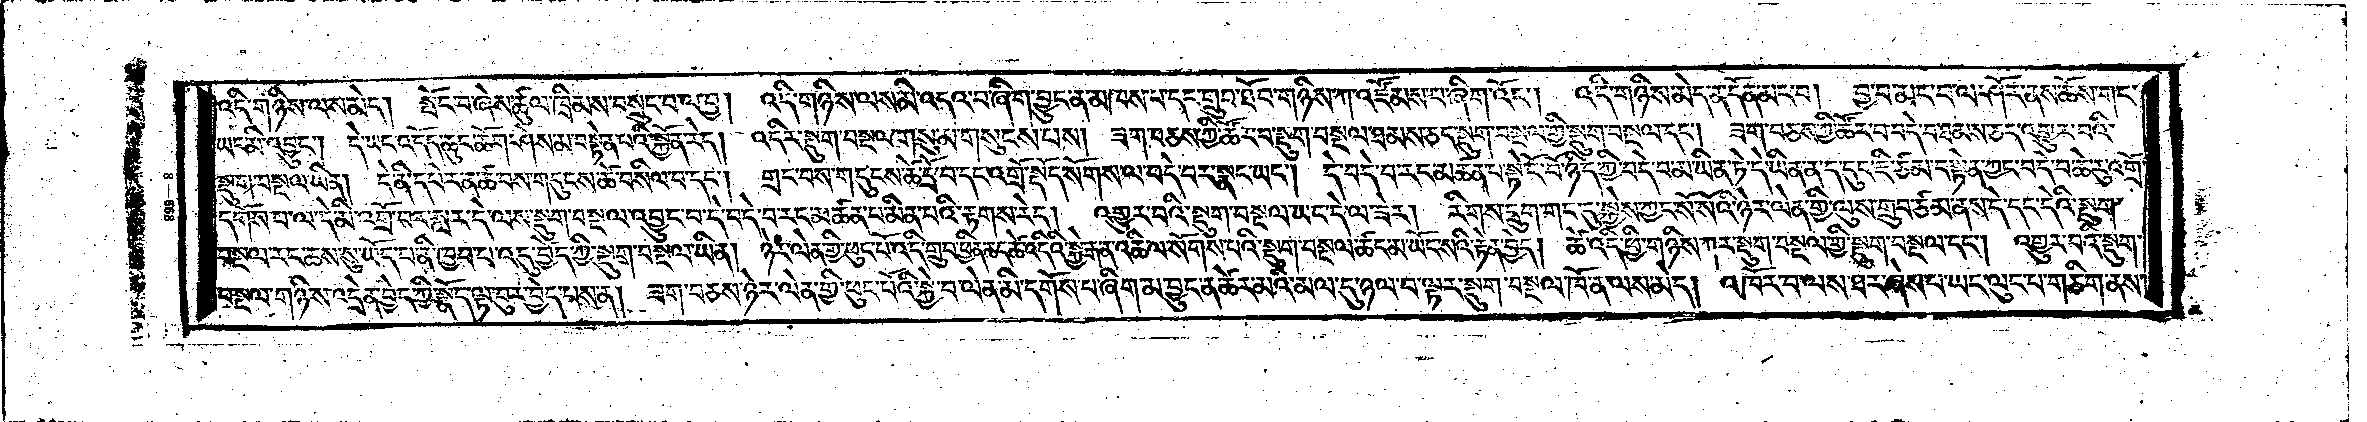འདི་གཉིས་ལས་མེད། སྤོང་བ་ཞེས་ཚུལ་ཁྲིམས་བསྲུང་བ་ལ་བྱ། འདི་གཉིས་ལས་མི་འདའ་བ་ཞིག་བྱུང་ན་མཁས་པ་དང་གྲུབ་ཐོབ་གཉིས་ཀ་འཛོམས་པ་ཞིག་འོང་། འདི་གཉིས་མེད་ན་དོན་མང་བ། བྱ་བ་མང་བ་ལ་ཤོར་ནས་ཆོས་གང་
ཡང་མི་འབྱུང་། དེ་ཡང་འདོད་ཆུང་ཆོག་ཤེས་མ་བསྟེན་པའི་སྐྱོན་རེད། འདིར་སྡུག་བསྔལ་གསུམ་གསུངས་པས། ཟག་བཅས་ཀྱི་ཚོར་བ་སྡུག་བསྔལ་ཐམས་ཅད་སྡུག་བསྔལ་གྱི་སྡུག་བསྔལ་དང་། ཟག་བཅས་ཀྱི་ཚོར་བ་བདེ་བ་ཐམས་ཅད་འགྱུར་བའི་
སྡུག་བསྔལ་ཡིན། དེ་ནི་དཔེར་ན་ཚ་བས་གདུངས་ཚེ་བསིལ་བ་དང་། གྲངས་བས་གདུངས་ཚེ་དྲོ་བ་དང་འགྲོ་སྡོད་སོགས་ལ་བདེ་བར་སྣང་ཡང་། དེ་བདེ་བ་རང་མཚན་པ་སྟེ་ངོ་བོ་ཉིད་ཀྱི་བདེ་བ་མ་ཡིན་ཏེ་དེ་ཡིན་ན་ད་དུང་ཇི་ཙམ་བསྟེན་ཀྱང་བདེ་བ་ཆེ་རུ་འགྲོ་
དགོས་པ་ལ་དེ་མི་འགྲོ་བར་སླར་དེ་ལས་སྡུག་བསྔལ་འབྱུང་བ་དེ་བདེ་བ་རང་མཚན་པ་མིན་པའི་རྟགས་རེད། འགྱུར་བའི་སྡུག་བསྔལ་ཡང་དེ་ལ་ཟེར། རིགས་དྲུག་གང་དུ་སྐྱེས་ཀྱང་སོ་སོའི་ཉེར་ལེན་གྱི་ལུས་གྲུབ་ཙམ་ནས་དེ་དང་དེའི་སྡུག་
བསྔལ་རང་ཆས་སུ་ཡོད་པ་ནི་ཁྱབ་པ་འདུ་བྱེད་ཀྱི་སྡུག་བསྔལ་ཡིན། ཉེར་ལེན་གྱི་ཕུང་པོ་འདི་གྲུབ་ཕྱིན་ཆད་ཚེ་འདིའི་སྐྱེ་རྒ་ན་འཆི་ལ་སོགས་པའི་སྡུག་བསྔལ་ཚང་མ་ཡོང་སའི་རྟེན་བྱེད། ཚེ་འདི་ཕྱི་གཉིས་ཀར་སྡུག་བསྔལ་གྱི་སྡུག་བསྔལ་དང་། འགྱུར་བའི་སྡུག་
བསྔལ་གཉིས་འདྲེན་བྱེད་ཀྱི་སྣོད་ལྟ་བུར་བྱེད་པས་ན། ཟག་བཅས་ཉེར་ལེན་གྱི་ཕུང་པོའི་སྐྱེ་བ་ལེན་མི་དགོས་པ་ཞིག་མ་བྱུང་ན་ཚེར་མའི་མལ་དུ་ཉལ་བ་ལྟར་སྡུག་བསྔལ་ཁོ་ན་ལས་མེད། འཁོར་བ་ལས་ཐར་ཞེས་པ་ཡང་ལུང་པ་གཅིག་ནས་